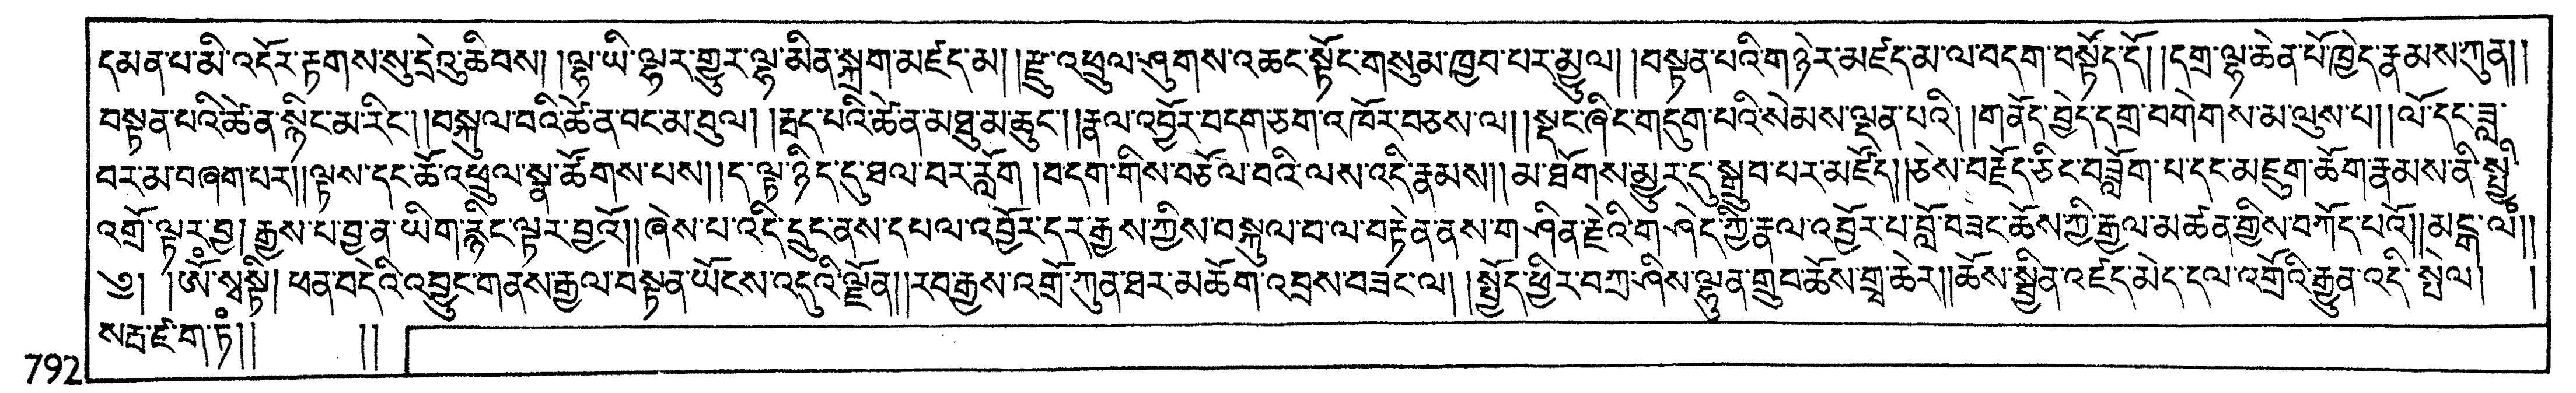དམན་པ་མི་འདོར་རྟགས་སུ་དྲེའུ་ཆིབས། །ལྷ་ཡི་ལྷར་གྱུར་ལྷ་མིན་སྐྲག་མཛད་མ། །རྫུ་འཕྲུལ་ཤུགས་འཆང་སྟོང་གསུམ་ཁྱབ་པར་མྱུལ། །བསྟན་པའི་གཉེར་མཛད་མ་ལ་བདག་བསྟོད་དོ། །དགྲ་ལྷ་ཆེན་པོ་ཁྱེད་རྣམས་ཀུན། །
བསྟན་པའི་ཚེ་ན་སྙིང་མ་རིང་། །བསྐུལ་བའི་ཚེ་ན་བང་མ་བུལ། །རྦད་པའི་ཚེ་ན་མཐུ་མ་ཆུང་། །རྣལ་འབྱོར་བདག་ཅག་འཁོར་བཅས་ལ། །སྡང་ཞིང་གདུག་པའི་སེམས་ལྡན་པའི། །གནོད་བྱེད་དགྲ་བགེགས་མ་ལུས་པ། །ལོ་དང་ཟླ་
བར་མ་བཞག་པར། །ལྟས་དང་ཆོ་འཕྲུལ་སྣ་ཚོགས་པས། །ད་ལྟ་ཉིད་དུ་ཐལ་བར་རློག །བདག་གིས་བཅོལ་བའི་ལས་འདི་རྣམས། །མ་ཐོགས་མྱུར་དུ་སྒྲུབ་པར་མཛོད། །ཅེས་བརྗོད་ཅིང་བཟློག་པ་དང་མཇུག་ཆོག་རྣམས་ནི་སྤྱི་
འགྲོ་ལྟར་བྱ། རྒྱས་པ་བྱ་ན་ཡིག་རྙིང་ལྟར་བྱའོ། །ཞེས་པ་འདི་དྲུང་ནས་དཔལ་འབྱོར་དར་རྒྱས་ཀྱིས་བསྐུལ་བ་ལ་བརྟེན་ནས་གཤིན་རྗེའི་གཤེད་ཀྱི་རྣལ་འབྱོར་པ་བློ་བཟང་ཆོས་ཀྱི་རྒྱལ་མཚན་གྱིས་བཀོད་པའོ། །མངྒ་ལཾ།།
༄༅། །ཨོཾ་སྭསྟི། ཕན་བདེའི་འབྱུང་གནས་རྒྱལ་བསྟན་ཡོངས་འདུའི་ལྗོན། །རབ་རྒྱས་འགྲོ་ཀུན་ཐར་མཆོག་འབྲས་བཟང་ལ། །སྤྱོད་ཕྱིར་བཀྲ་ཤིས་ལྷུན་གྲུབ་ཆོས་གྲྭ་ཆེར། །ཆོས་སྦྱིན་འཛད་མེད་དལ་འགྲོའི་རྒྱུན་འདི་སྤེལ། །
སརྦ་ཛ་ག་ཏཾ།། །།